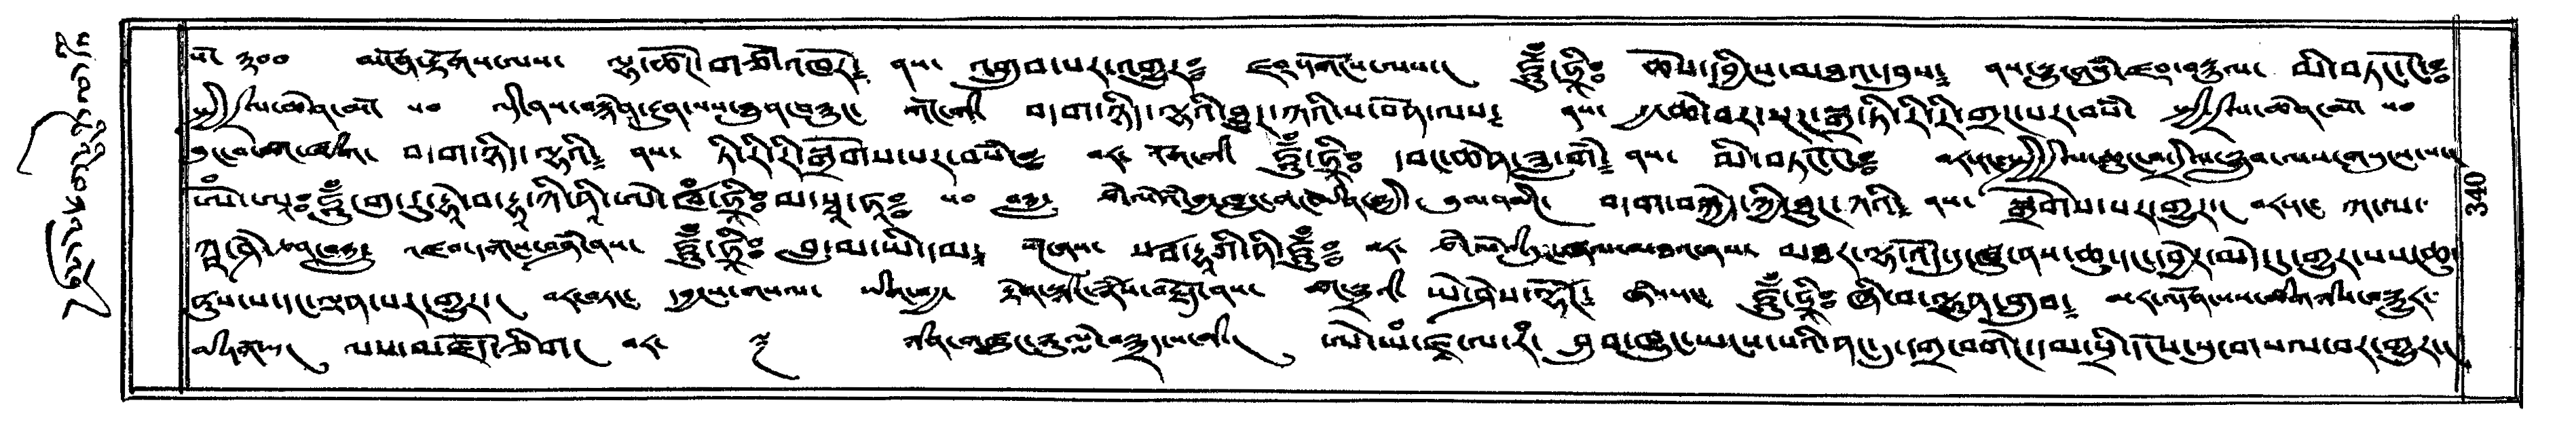པོ་གསུམ་བརྒྱ། མངོན་རྟོགས་ལས། ལྷ་ཚོགས་གཙོ་འཁོར༴ ནས། འགྲུབ་པར་འགྱུར༔ ཛཔྲ་དགོངས་ལས། ཧཱུྃ་ཧྲཱིཿ ཆོས་དབྱིངས་མཐའ་དབུས༴ ནས་སྐུ་གསུམ་ཛཔྲ་བསྐུལ། མི་བཏང་ངོ༔ 
སྤྱི་དྲིལ་ཆེན་མོ་ལྔ་བཅུ། འདི་ནས་སྙེན་རྒྱུན་པས་ཐུན་གཟུང་། གོང་གི བདག་ཉིད་ལྷའི་ཐུགས་ཀའི་ས་བོན་ལས༴ ནས། རྒྱ་ཆེ་བར་སྔགས་སྒྲ་ཏི་རི་རི་གྲགས་པར་བསམ༔ སྤྱི་དྲིལ་ཆེན་མོ་ལྔ་བཅུ། 
བུང་བ་ཚད་ཞིག བདག་ཉིད་ལྷའི༴ ནས། ཏི་རི་རི་སྒྲོགས་པར་བསམ༔ བར། འོག་གི ཧཱུྃ་ཧྲཱིཿ དབང་ཆེན་ཟླ་གམ༴ ནས། མི་གཏང་ངོ༔ བར་དང་། སྤྱི་དྲིལ་ཆུང་བ་དྲིལ་སྒྲུབ་ལས་གསུངས་པ། 
ཨོཾ་ཨཱཿཧཱུྃ་གུ་རུ་དྷཱེ་བ་དྷཱ་ཀི་ནཱི་ཨེ་ཝཾ་ཧྲཱིཿམ་སྭ་ཧཱ༔ ལྔ་བཅུ་བཟླ། ཙེ་ལེའམ་བྱ་ཁྱུང་གང་ཡིན་གྱི་བུམ་དམིགས། བདག་བསྐྱེད་ཀྱི་ཐུགས་ཀའི༴ ནས། སྒྲོག་པར་གྱུར༴ བར་དང་། ཀ་ལ་
ཀྴ འི་གཤམ་ཅན་བཟླ། འཛཔྲ་དགོངས་གཤམ་ནས། ཧཱུྃ་ཧྲཱིཿ བླ་མ་ཡི་དམ༴ སོགས་ནས། སརྦ་དྷཱ་ཀི་ནི་ཧཱུྃ༔ བར། ཙེ་ལེའི་དུང་ཞལ་མཐའ་ནས། མཐར་ལྷ་འོད་དུ་ཞུ་ནས་ཆུ་དང་དབྱེར་མེད་དུ་གྱུར་པས་ཆུ་
ནུས་པ་དང་ལྡན་པར་གྱུར། བར་གཏང་། དབྱངས་གསལ། ཡིག་བརྒྱ། རྟེན་སྙིང་རྣམས་བརྗོད་ནས། ཚངས་སྒྲའི། ཡེ་ཤེས་ལྷ་ཚོགས༴ ཞེས་དང་། ཧཱུྃ་ཧྲཱིཿ ཞི་བ་ལྷུན་གྲུབ༴ མར་འདོན་པས་ཚིག་གཉིས་བསྐྱུར་
མི་དགོས། ལས་མཛོད་ཅིག བར། ཉིན་གཞུང་ཉུལླེ་སྐྲོད་པ་ནི། ཨེ་ཡཾ་ཛྭ་ལ་རཾ། བྲུབ་ཁུང་ཡངས་པའི་ནང་དུ་དགྲ་བགེགས་དམ་སྲི་དངོས་སུ་གསལ་བར་གྱུར།